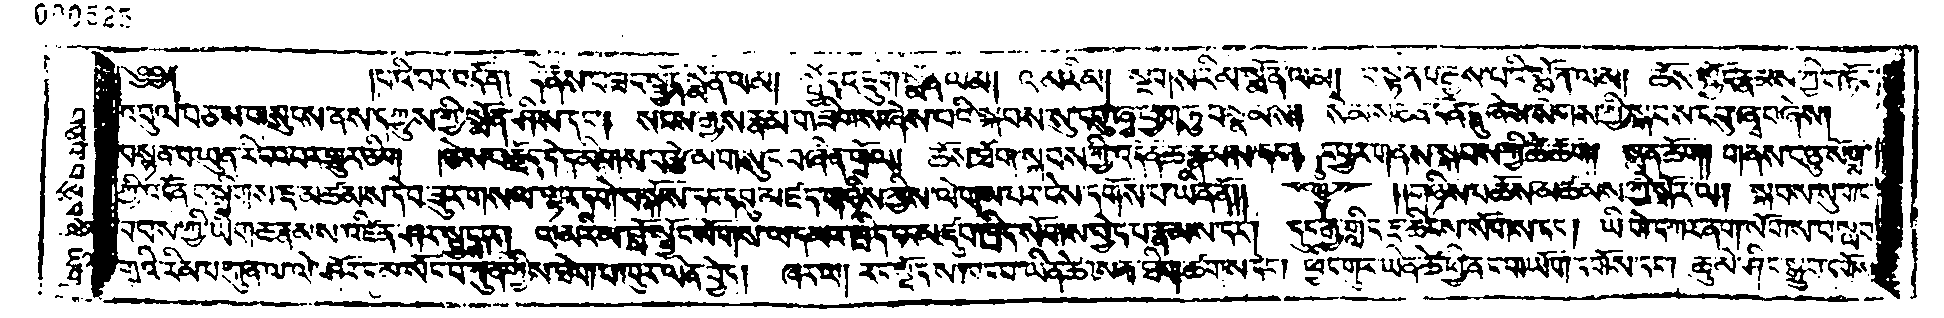༄༅། །པའི་བར་འདོན། དེ་ནས་བཟང་སྤྱོད་སྨོན་ལམ། སྤྱོད་འཇུག་སྨོན་ལམ། ལམ་རིམ། སྔགས་རིམ་སྨོན་ལམ། བསྟན་པ་རྒྱས་པའི་སྨོན་ལམ། ཆོས་སྐྱོང་རྣམས་ཀྱི་གཏོར་
འབུལ་བཅས་གསུངས་ནས་དཀྱུས་ཀྱི་སྨོན་ཤིས་དང་། སངས་རྒྱས་རྣམ་གཟིགས་ཞེས་པའི་སྐབས་སུ་དབུ་ཞྭ་ཕྱག་ཏུ་བསྣམས། སེམས་ཅན་དོན་དུ་ཞེས་སོགས་ཀྱི་སྐབས་དབུ་ཞྭ་བཞེས།
བསྟན་པ་ཡུན་རིང་འབར་གྱུར་ཅིག །ཅེས་བརྗོད་དེ་དམིགས་བརྩེ་མ་གསུང་བཞིན་གྲོལ། ཆོས་ཐོག་སྐབས་ཀྱི་འདོན་ཆ་རྣམས་དང་། དབྱར་གནས་སྐབས་ཀྱི་ཚེ་ཆོག །སྨན་ཆོག །གནས་བཅུ་སོགས་
ཀྱི་འདོན་བསྒྲིགས་ཇ་མཚམས་དེབ་ཟུར་གསལ་ལྟར་དགེ་བསྐོས་དང་དབུ་མཛད་གཉིས་ཀྱིས་ལེགས་པར་ངེས་དགོས་པ་ཡིན་ནོ།། ༈ །།གཉིས་པ་ཆོས་མཚམས་ཀྱི་སྐོར་ལ། སྐབས་སུ་གང་
བབས་ཀྱི་ཡིག་ཆ་རྣམས་འཛིན་ཤར་སྦྱངས་དང་། ལམ་རིམ་བློ་སྦྱོང་སོགས་ལ་དམར་ཁྲིད་དང་མཛུབ་ཁྲིད་སོགས་བྱེད་པ་རྣམས་དང་། དུང་རྒྱ་གླིང་རྔ་ཆིངས་སོགས་དང་། ཡི་གེ་དཀར་ནག་སོགས་པ་བསླབ་
གྲྭའི་རིམ་པ་ཀུན་ལ་ལེ་ཤོར་དུ་མ་སོང་བ་ཀུན་གྱིས་ཐེག་པ་ཁུར་ལེན་བྱེད། ཞར་ལ། རང་སྡོད་ས་ཁང་པ་ཡིན་ཚེ་ཨརྐ་ཐིག་ཚགས་དང་། ཕྱིང་གུར་ཡིན་ཚེ་ཕྱི་ནང་གཡོག་དགོས་དང་། ཆུ་མེ་ཤིང་སྒྲུབ་དགོས་